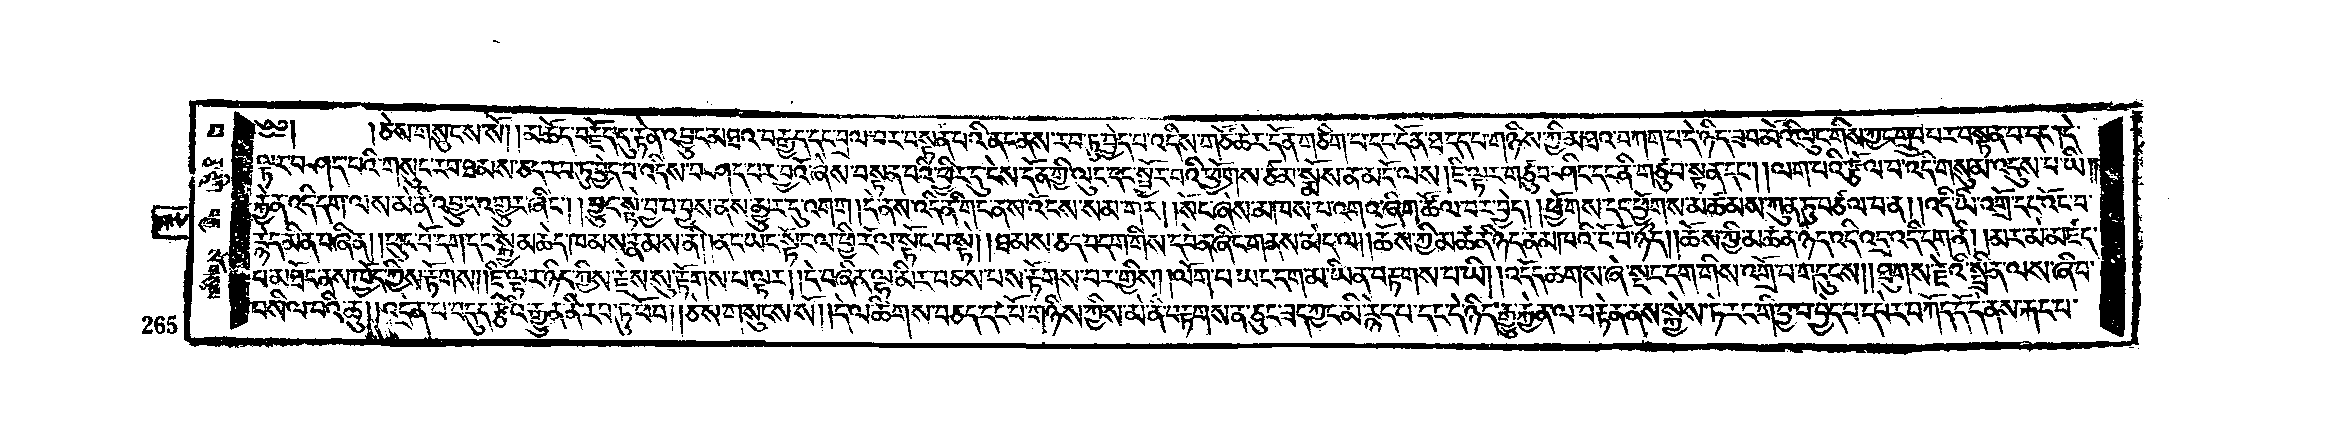༄༅། །ཅེས་གསུངས་སོ། །མཆོད་བརྗོད་དུ་རྟེན་འབྱུང་མཐའ་བརྒྱད་དང་བྲལ་བར་བསྟན་པའི་ནང་ནས་རབ་ཏུ་བྱེད་པ་འདིས་གཙོ་ཆེར་དོན་གཅིག་པ་དང་དོན་ཐ་དད་པ་གཉིས་ཀྱི་མཐའ་བཀག་པ་དེ་ཉིད་ཟབ་མོའི་ལུང་གིས་ཀྱང་གྲུབ་པར་བསྟན་པ་དང་། །དེ་
ལྟར་བཤད་པའི་གསུང་རབ་ཐམས་ཅད་རབ་ཏུ་བྱེད་པ་འདིས་བཤད་པར་བྱའོ་ཞེས་བསྟན་པའི་ཕྱིར་དུ་ངེས་དོན་གྱི་ལུང་དང་སྦྱོར་བའི་ཕྱོགས་ཙམ་སྨོས་ན་མདོ་ལས། ཇི་ལྟར་གཙུབ་ཤིང་དང་ནི་གཙུབ་སྲན་དང་། །ལག་པའི་རྩོལ་བ་འདི་གསུམ་འདུས་པ་ཡི།།
རྐྱེན་འདི་དག་ལས་མེ་ནི་འབྱུང་འགྱུར་ཞིང་། །བྱུང་སྟེ་བྱ་བ་བྱས་ནས་མྱུར་དུ་འགག །དེ་ནས་འདི་ནི་གང་ནས་འོངས་སམ་གར། །སོང་ཞེས་མཁས་པ་འགའ་ཞིག་ཚོལ་བར་བྱེད། །ཕྱོགས་དང་ཕྱོགས་མཚམས་ཀུན་ཏུ་བཙལ་བ་ན། །འདི་ཡི་འགྲོ་དང་འོང་བ་
རྙེད་མིན་བཞིན། །ཕུང་པོ་དག་དང་སྐྱེ་མཆེད་ཁམས་རྣམས་ནི། །ནང་ཡང་སྟོང་ལ་ཕྱི་རོལ་སྟོང་པ་སྟེ། །ཐམས་ཅད་བདག་གིས་དབེན་ཞིང་གནས་མེད་ལ། །ཆོས་ཀྱི་མཚན་ཉིད་ནམཁའི་ངོ་བོ་ཉིད། །ཆོས་ཀྱི་མཚན་ཉིད་འདི་འདྲ་འདི་དག་ནི། །མར་མེ་མཛད་
པ་མཐོང་ནས་ཁྱོད་ཀྱིས་རྟོགས། །ཇི་ལྟར་ཉིད་ཀྱིས་རྗེས་སུ་རྟོགས་པ་ལྟར། །དེ་བཞིན་ལྷ་མིར་བཅས་པས་རྟོགས་པར་གྱིས། །ལོག་པ་ཡང་དག་མ་ཡིན་བརྟགས་པ་ཡི། །འདོད་ཆགས་ཞེ་སྡང་དག་གིས་འགྲོ་བ་གདུངས། །ཐུགས་རྗེའི་སྤྲིན་ལས་ཞི་བ་
བསིལ་བའི་ཆུ། །འདྲེན་པ་བདུད་རྩིའི་རྒྱུན་ནི་རབ་ཏུ་ཕོབ། །ཅེས་གསུངས་སོ། །དེ་ལ་ཚིགས་བཅད་དང་པོ་གཉིས་ཀྱིས་མེ་ནི་བརྟགས་ན་ཅུང་ཟད་ཀྱང་མི་རྙེད་པ་དང་དེ་ཉིད་རྒྱུ་རྐྱེན་ལ་བརྟེན་ནས་སྐྱེས་ཏེ་རང་གི་བྱ་བ་བྱེད་པ་དཔེར་བཀོད་དོ་དེ་ནས་རྐང་པ་